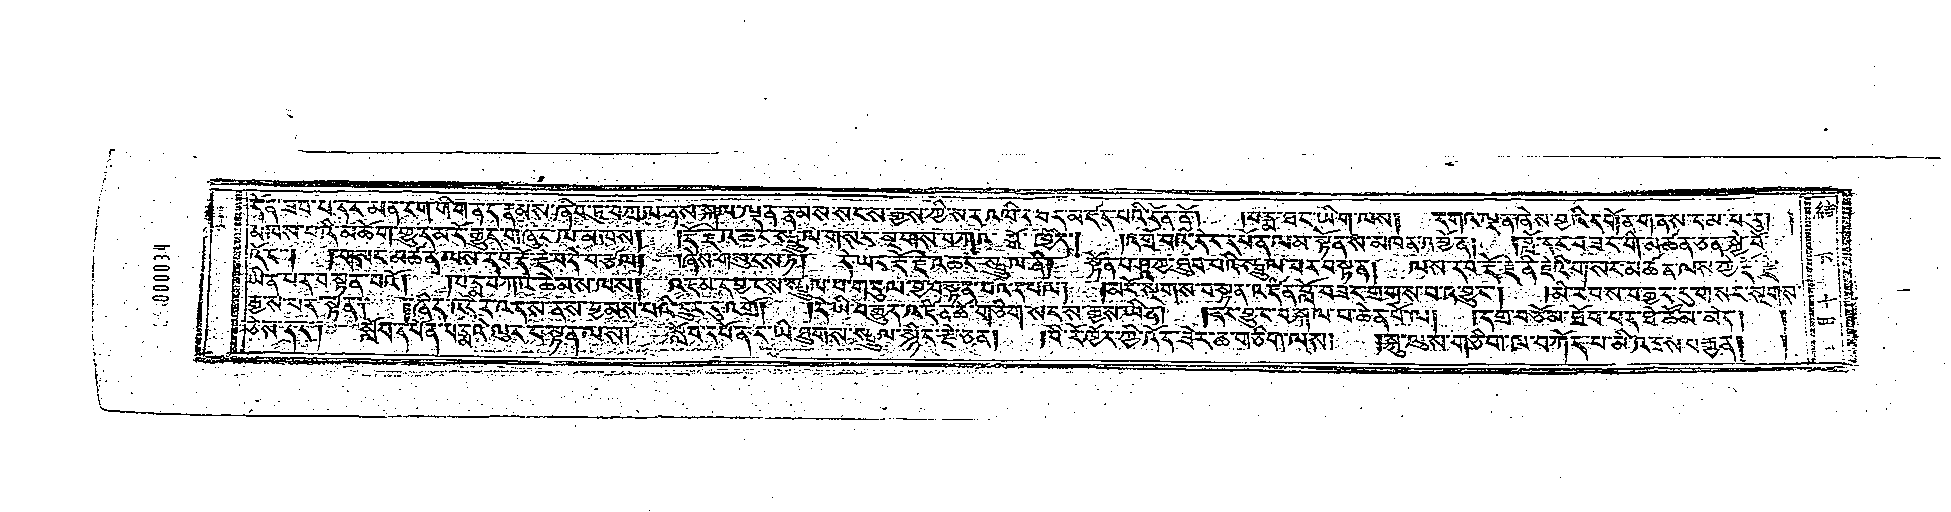དོན་ཟབ་པ་དང་མན་ངག་གི་གནད་རྣམས་ཞིབ་ཏུ་བཀྲལ་ནས་སྐལ་ལྡན་རྣམས་སངས་རྒྱས་ཀྱི་སར་འཁྲིད་བར་མཛད་པའི་དོན་ནོ། །པདམ་ཐང་ཡིག་ལས། དགའ་ལྡན་ཞེས་བྱའི་དགོན་གནས་དམ་པ་རུ། །
མཁས་པའི་མཆོག་གྱུར་མདོ་རྒྱུད་གཞུང་ལ་མཁས། །རྡོ་རྗེ་འཆང་སྤྲུལ་གསང་སྔགས་བཀའ་སྒོ་ཁྱིད། །འགྲོ་བའི་དད་དཔོན་ལམ་སྟོན་ས་མཁན་འབྱོན། །བློ་དང་བཟང་གི་མཚན་ཅན་སྐྱེ་བོ་
འོང་། །གསང་མཚན་ལས་རབ་རྡོ་རྗེ་བདེ་བ་རྩལ། །ཞེས་གསུངས་ཏེ། དེ་ཡང་རྡོ་རྗེ་འཆང་སྤྲུལ་ནི། ༑སྟོན་པ་ཤཱཀྱ་ཐུབ་པའི་སྤྲུལ་པར་བསྟན། ལས་རབ་རྡོ་རྗེ་ནི་རྗེའི་གསང་མཚན་ལས་ཀྱི་རྡོ་རྗེ་
ཡིན་པར་བསྟན་པའོ། །པདམ་བཀའ་ཆེམས་ལས། འཇམ་དབྱངས་སྤྲུལ་བ་གདུལ་བྱ་བསྟན་པའི་དཔལ། །མདོ་སྔགས་བསྟན་འཛིན་བློ་བཟང་གྲགས་པ་འབྱུང་། །མི་རབས་བརྒྱད་དུ་གསང་སྔགས་
རྒྱས་པར་སྟན༑ ༑ཞིང་འདིར་འདས་ནས་བྱམས་པའི་དྲུང་དུ་འགྲོ། །དེ་ཡི་བརྒྱུད་འཛིན་ཚེ་གཅིག་སངས་རྒྱས་ཡིན། །རང་བྱུང་བསྐལ་པ་ཆེན་པོ་ལ། །དགྲ་བཅོམ་ཐོབ་པར་ཐེ་ཚོམ་མེད། །
ཅེས་དང་། ༑སློབ་དཔོན་པདམའི་ལུང་བསྟན་ལས། སློབ་དཔོན་ང་ཡི་ཐུགས་སྤྲུལ་སྙིང་རྗེ་ཅན། །བཻ་རོ་ཁྱོད་ཀྱི་འོད་ཟེར་ཆ་གཅིག་ལས། །སྐུ་ལུས་གཅིག་ལ་བཀོད་པ་མི་འདྲས་བརྒྱན། །